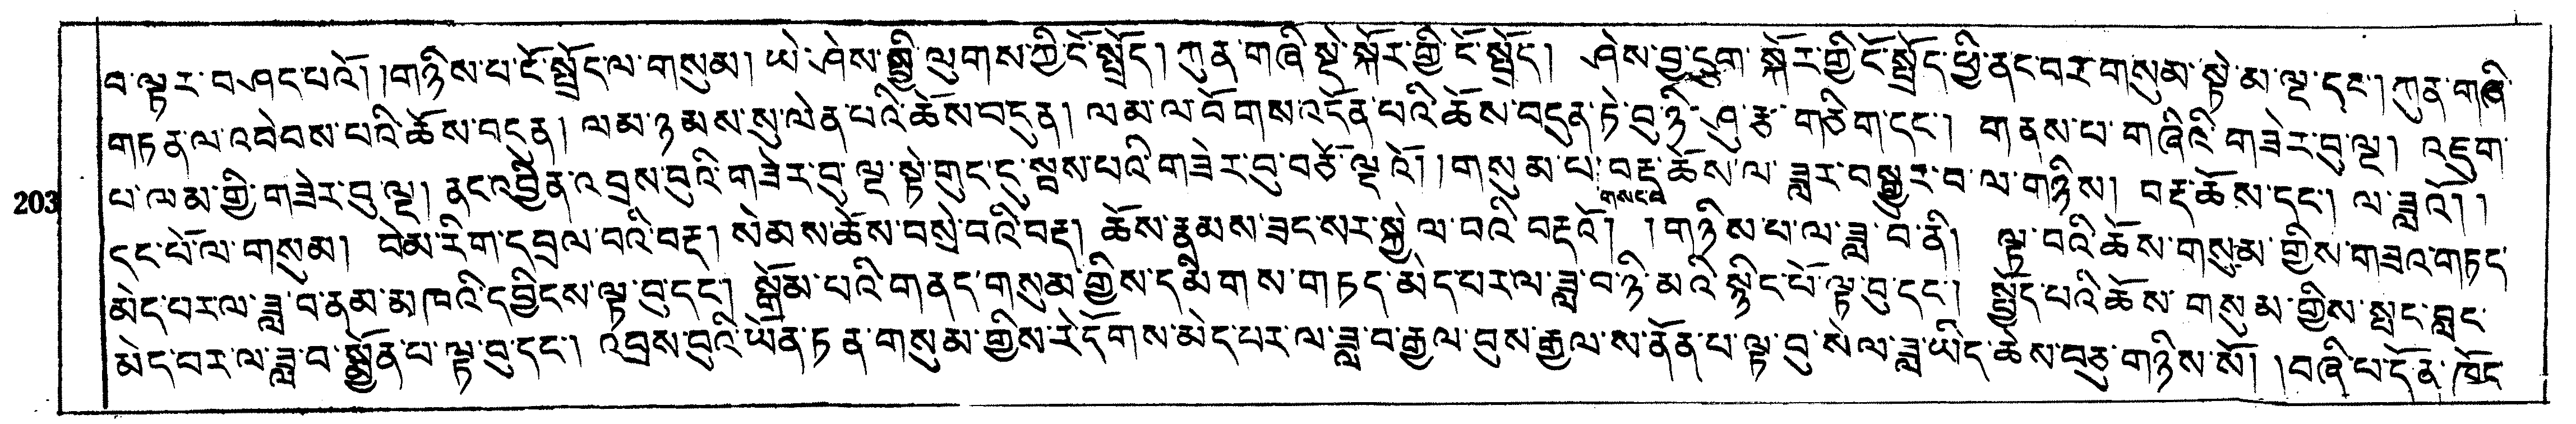བ་ལྟར་བཤད་པའོ། །གཉིས་པ་ངོ་སྤྲོད་ལ་གསུམ། ཡེ་ཤེས་སྤྱི་ལུགས་ཀྱི་ངོ་སྤྲོད། ཀུན་གཞི་སྡེ་སྐོར་གྱི་ངོ་སྤྲོད། ཤེས་བྱ་དྲུག་སྐོར་གྱི་ངོ་སྤྲོད་ཕྱི་ནང་བར་གསུམ་སྟེ་མ་ལྔ་དང་། ཀུན་གཞི་
གཏན་ལ་འབེབས་པའི་ཆོས་བདུན། ལམ་ཉམས་སུ་ལེན་པའི་ཆོས་བདུན། ལམ་ལ་བོགས་འདོན་པའི་ཆོས་བདུན་ཏེ་བུ་ཉི་ཤུ་རྩ་གཅིག་དང་། གནས་པ་གཞིའི་གཟེར་བུ་ལྔ། འཇུག་
པ་ལམ་གྱི་གཟེར་བུ་ལྔ། ནང་འབྱིན་འབྲས་བུའི་གཟེར་བུ་ལྔ་སྟེ་གུང་དུ་སྦས་པའི་གཟེར་བུ་བཅོ་ལྔའོ། །གསུམ་པ་གསང་བ་བརྡ་ཆོས་ལ་ཟླར་བསྒྱུར་བ་ལ་གཉིས། བརྡ་ཆོས་དང་། ལ་ཟླའོ། །
དང་པོ་ལ་གསུམ། བེམ་རིག་དབྲལ་བའི་བརྡ། སེམས་ཆོས་བསྲེ་བའི་བརྡ། ཆོས་རྣམས་ཟང་སར་སྐྱེ་ལ་བའི་བརྡའོ། །གཉིས་པ་ལ་ཟླ་བ་ནི། ལྟ་བའི་ཆོས་གསུམ་གྱིས་གཟའ་གཏད་
མེད་པར་ལ་ཟླ་བ་ནམ་མཁའི་དབྱིངས་ལྟ་བུ་དང་། སྒོམ་པའི་གནད་གསུམ་གྱིས་དམིགས་གཏད་མེད་པར་ལ་ཟླ་བ་ཉི་མའི་སྙིང་པོ་ལྟ་བུ་དང་། སྤྱོད་པའི་ཆོས་གསུམ་གྱིས་སྤང་བླང་
མེད་པར་ལ་ཟླ་བ་སྨྱོན་པ་ལྟ་བུ་དང་། འབྲས་བུའི་ཡོན་ཏན་གསུམ་གྱིས་རེ་དོགས་མེད་པར་ལ་ཟླ་བ་རྒྱལ་བུས་རྒྱལ་ས་ནོན་པ་ལྟ་བུ་སེལ་ཟླ་ཡིད་ཆེས་བཅུ་གཉིས་སོ། །བཞི་པ་དོན་ཁོང་